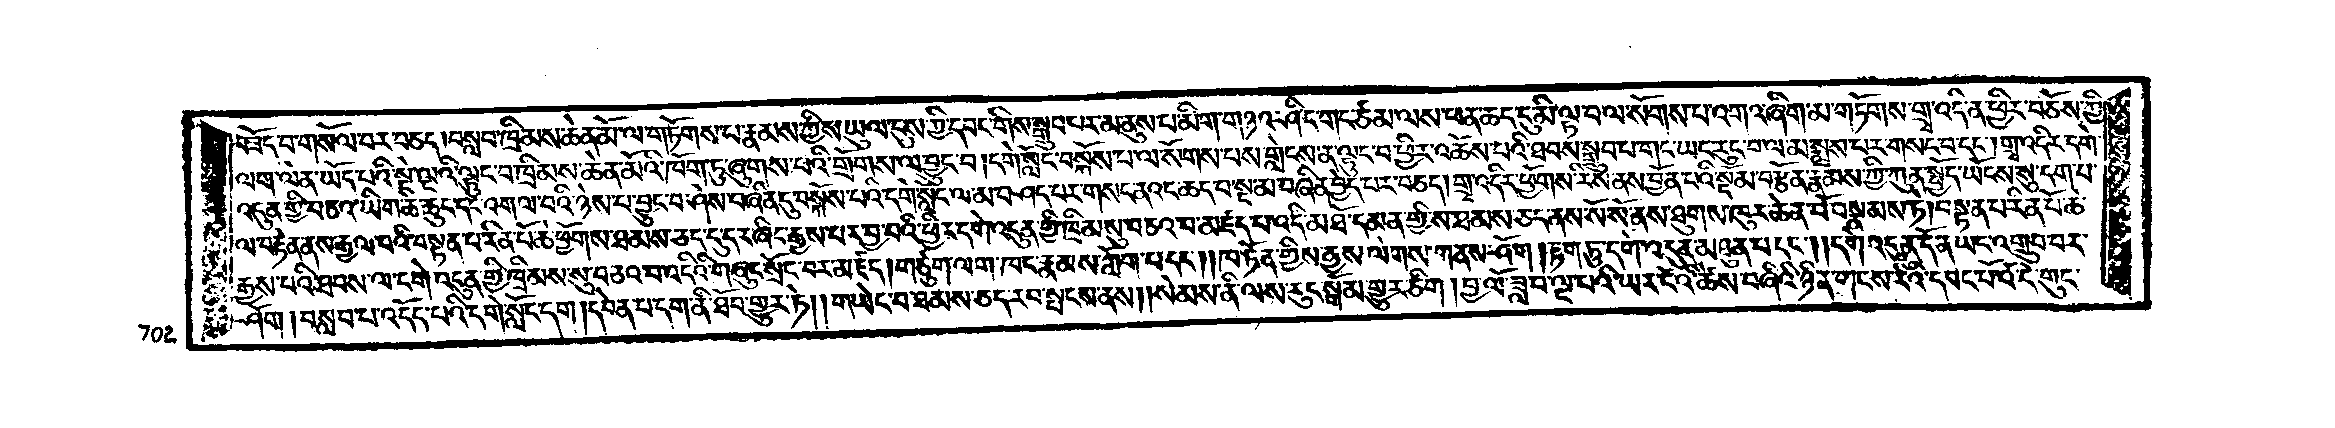བཟོད་པ་གསོལ་བར་བཅད། བསླབ་ཁྲིམས་ཆེན་མོ་ལ་གཏོགས་པ་རྣམས་ཀྱིས་ཡུལ་དུས་ཀྱི་དབང་གིས་སྒྲུབ་པར་མ་ནུས་པ་མིག་གཉའ་ཤིང་གང་ཙམ་ལས་ཕན་ཆད་དུ་མི་ལྟ་བ་ལ་སོགས་པ་འགའ་ཞིག་མ་གཏོགས་གྲྭ་འདི་ན་ཕྱིར་བཅོས་ཀྱི་
ལག་ལེན་ཡོད་པའི་སྡེ་ལྔའི་ལྟུང་བ་ཁྲིམས་ཆེན་མོའི་ཁོག་ཏུ་ཞུགས་པའི་གྲོགས་ལ་བྱུང་བ། དགེ་སློང་བསྐོས་པ་ལ་སོགས་པས་གླེངས་ན་ལྟུང་བ་ཕྱིར་འཆོས་པའི་ཐབས་སྒྲུབ་པ་གང་ཡང་རུང་བ་ལ་མ་སྨྲས་པར་གསང་བ་དང་། གྲྭ་འདིར་དགེ་
འདུན་གྱི་བཅའ་ཡིག་ཆེ་ཆུང་དང་འགལ་བའི་ཉེས་པ་བྱུང་བ་ཤེས་བཞིན་དུ་བསྐོས་པའི་དགེ་སློང་ལ་མ་བཤད་པར་གསང་ནའང་ཆད་བ་སྔ་མ་བཞིན་བྱེད་པར་བཅད། གྲྭ་འདིར་ཕྱོགས་རིས་ནས་བྱོན་པའི་སྡོམ་བརྩོན་རྣམས་ཀྱི་ཀུན་སྤྱོད་ཡོངས་སུ་དག་པ་
ལ་བརྟེན་ནས་རྒྱལ་བའི་བསྟན་པ་རིན་པོ་ཆེ་ཕྱོགས་ཐམས་ཅད་དུ་དར་ཞིང་རྒྱས་པར་བྱ་བའི་ཕྱིར་དགེ་འདུན་གྱི་ཁྲིམས་སུ་བཅའ་བ་མཛད་པ་འདི་མཐོ་དམན་གྱི་ས་ཐམས་ཅད་ནས་སོ་སོ་ནས་ཐུགས་ཁུར་ཆེན་པོ་བསྣམས་ཏེ། བསྟན་པ་རིན་པོ་ཆེ་
རྒྱས་པའི་ཐབས་ལ་དགེ་འདུན་གྱི་ཁྲིམས་སུ་བཅའ་བ་འདིའི་གཞུང་སྲོང་བར་མཛེད། གཙུག་ལག་ཁང་རྣམས་ཀློག་པ་དང་། །ཁ་ཏོན་གྱིས་རྒྱས་ལེགས་གནས་ཤོག །རྟག་ཏུ་དགེ་འདུན་མཐུན་པ་དང་། །དགེ་འདུན་དོན་ཡང་འགྲུབ་པར་
ཤོག །བསླབ་པ་འདོད་པའི་དགེ་སློང་དག །དབེན་པ་དག་ནི་ཐོབ་གྱུར་ཏེ། །གཡེང་བ་ཐམས་ཅད་རབ་སྤངས་ནས། །སེམས་ནི་ལས་རུང་སྒོམ་གྱུར་ཅིག །བྱ་ལོ་ཟླ་བ་ལྔ་པའི་ཡར་ངོའི་ཚེས་བཞིའི་ཉིན་གངས་རིའི་དབང་པོ་འོ་དེ་གུང་